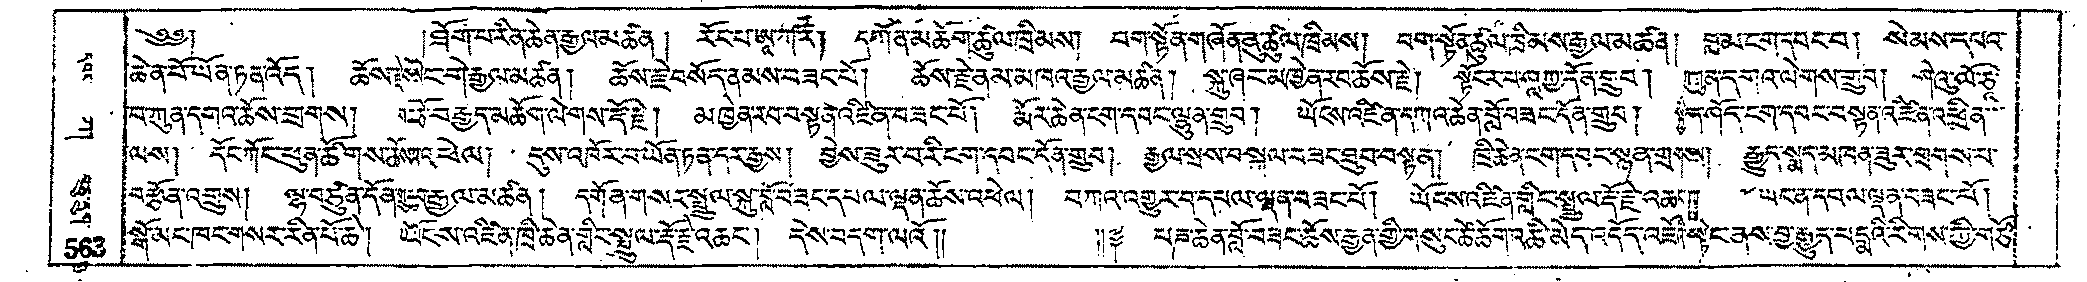༄༅། །ཐོག་པ་རིན་ཆེན་རྒྱལ་མཚན། རོང་པ་ཨཱ་ཀ་ར། དཀོན་མཆོག་ཚུལ་ཁྲིམས། བག་སྟོན་གཞོན་ནུ་ཚུལ་ཁྲིམས། བག་སྟོན་ཚུལ་ཁྲིམས་རྒྱལ་མཚན། བླ་མ་ངག་དབང་བ། སེམས་དཔའ་
ཆེན་པོ་ཡོན་ཏན་འོད། ཆོས་རྗེ་སེང་གེ་རྒྱལ་མཚན། ཆོས་རྗེ་བསོད་རྣམས་བཟང་པོ། ཆོས་རྗེ་ནམ་མཁའ་རྒྱལ་མཚན། སྐུ་ཞང་མཁྱེན་རབ་ཆོས་རྗེ། སྟོང་ར་པ་ཤཱཀྱ་དོན་གྲུབ། ཀུན་དགའ་ལེགས་གྲུབ། ཤེའུ་ལོ་ཙཱ་
བ་ཀུན་དགའ་ཆོས་གྲགས། བཅོ་བརྒྱད་མཆོག་ལེགས་རྡོ་རྗེ། མཁྱེན་རབ་བསྟན་འཛིན་བཟང་པོ། རྨོར་ཆེན་ངག་དབང་ལྷུན་གྲུབ། ཡོངས་འཛིན་དཀའ་ཆེན་བློ་བཟང་དོན་གྲུབ། སྐྱིད་ཤོད་ངག་དབང་བསྟན་འཛིན་འཕྲིན་
ལས། དོང་ཀོང་ཕུན་ཚོགས་ཆོས་འཕེལ། དུས་འཁོར་བ་ཡོན་ཏན་དར་རྒྱས། བྱེས་ཟུར་བ་རི་ངག་དབང་དོན་གྲུབ། རྒྱལ་སྲས་བསྐལ་བཟང་ཐུབ་བསྟན། ཁྲི་ཆེན་ངག་དབང་སྙན་གྲགས། རྒྱུད་སྨད་མཁན་ཟུར་གྲགས་པ་
བརྩོན་འགྲུས། ལྷ་བཙུན་དོན་གྲུབ་རྒྱལ་མཚན། དགོན་གསར་སྤྲུལ་སྐུ་བློ་བཟང་དཔལ་ལྡན་ཆོས་འཕེལ། བཀའ་འགྱུར་བ་དཔལ་ལྡན་བཟང་པོ། ཡོངས་འཛིན་གླིང་སྤྲུལ་རྡོ་རྗེ་འཆང་། ༧ཡང་ན་དཔལ་ལྡན་བཟང་པོ།
སྒོ་མང་ཁང་གསར་རིན་པོ་ཆེ། ཡོངས་འཛིན་ཁྲི་ཆེན་གླིང་སྤྲུལ་རྡོ་རྗེ་འཆང་། དེས་བདག་ལའོ།། །།འ་པཎ་ཆེན་བློ་བཟང་ཆོས་རྒྱན་གྱི་གསུང་ཚེ་ཆོག་འཆི་མེད་འདོད་འཇོའི་སྟེང་ནས་བྱ་རྒྱུད་པདམའི་རིགས་ཀྱི་གཙོ་